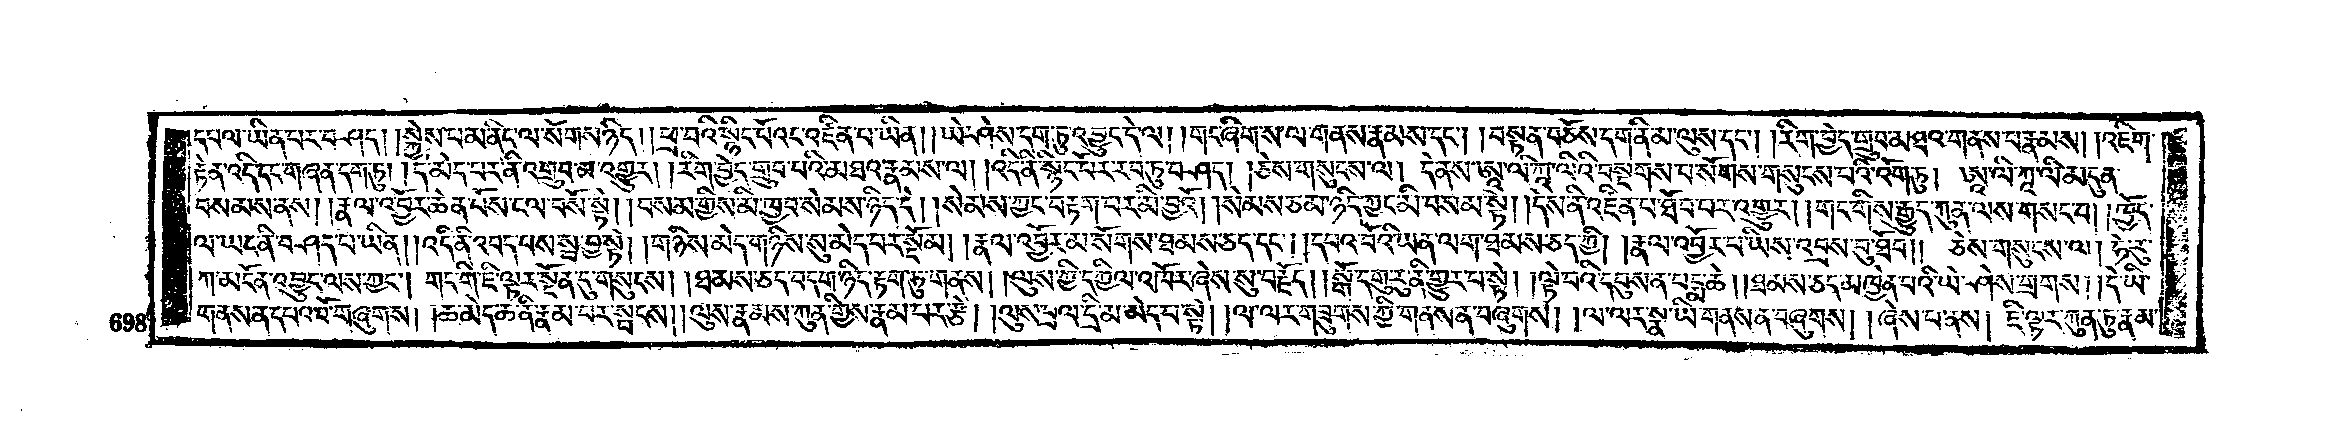དཔལ་ཡིན་པར་བཤད། །སྐྱེས་པ་མ་ནིང་ལ་སོགས་ཉིད། །ཕྲ་བའི་སྙིང་པོའང་འཛིན་པ་ཡིན། །ཡེ་ཤེས་དག་ཏུ་འབྱུང་དེ་ལ། །གང་ཞིག་ས་ལ་གནས་རྣམས་དང་། །བསྟན་བཅོས་དག་ནི་མ་ལུས་དང་། །རིག་བྱེད་གྲུབ་མཐའ་གནས་པ་རྣམས། །འཇིག་
རྟེན་འདི་དང་གཞན་དག་ཏུ། །དེ་མེད་པར་ནི་འགྲུབ་མི་འགྱུར། །རིག་བྱེད་གྲུབ་པའི་མཐའ་རྣམས་ལ། །འདི་ནི་སྙིང་པོར་རབ་ཏུ་བཤད། །ཅེས་གསུངས་ལ། དེ་ནས་ཨཱ་ལི་ཀཱ་ལིའི་བསྔགས་པ་སོགས་གསུངས་པའི་འོག་ཏུ། ཨཱ་ལི་ཀཱ་ལི་མདུན་
བསམས་ནས། །རྣལ་འབྱོར་ཆེན་པོས་ངལ་བསོ་སྟེ། །བསམ་གྱིས་མི་ཁྱབ་སེམས་ཉིད་དེ། །སེམས་ཀྱང་བརྟག་པར་མི་བྱའོ། །སེམས་ཅམ?་ཉིད་ཀྱང་མི་བསམ་སྟེ། །དེས་ནི་འཛིན་པ་ཐོབ་པར་འགྱུར། །གང་གིས་རྒྱུད་ཀུན་ལས་གསང་བ། །ཁྱོད་
ལ་ཡང་ནི་བཤད་པ་ཡིན། །འདི་ནི་འབད་པས་སྦ་བྱ་སྟེ། །གཉིས་མེད་གཉིས་སུ་མེད་པར་སྡོམ། །རྣལ་འབྱོར་མ་སོགས་ཐམས་ཅད་དང་། །དཔའ་བོའི་ཡན་ལག་ཐམས་ཅད་ཀྱི། །རྣལ་འབྱོར་པ་ཡིས་འབྲས་བུ་ཐོབ། །ཅེས་གསུངས་ལ། ཧེ་རུ་
ཀ་མངོན་འབྱུང་ལས་ཀྱང་། གང་གི་ཇི་ལྟར་སྔོན་དུ་གསུངས། །ཐམས་ཅད་བདག་ཉིད་རྟག་ཏུ་གནས། །ལུས་ཀྱི་དཀྱིལ་འཁོར་ཞེས་སུ་བརྗོད། །སྒོ་དགུ་རུ་ནི་གྱུར་པ་སྟེ། །ལྟེ་བའི་དབུས་ན་པདམ་ཆེ། །ཐམས་ཅད་མཁྱེན་པའི་ཡེ་ཤེས་གྲགས། །དེ་ཡི་
གནས་ན་དཔའ་བོ་གཞུགས། །ཆ་མེད་ཆ་ནི་རྣམ་པར་སྤངས། །ལུས་རྣམས་ཀུན་གྱིས་རྣམ་པར་རྩེ། །ལུས་བྲལ་དྲི་མ་མེད་པ་སྟེ། །ལ་ལར་གཟུགས་ཀྱི་གནས་ན་བཞུགས། །ལ་ལར་སྣ་ཡི་གནས་ན་བཞུགས། །ཞེས་པ་ནས། ཇི་ལྟར་ཀུན་ཏུ་རྣམ་